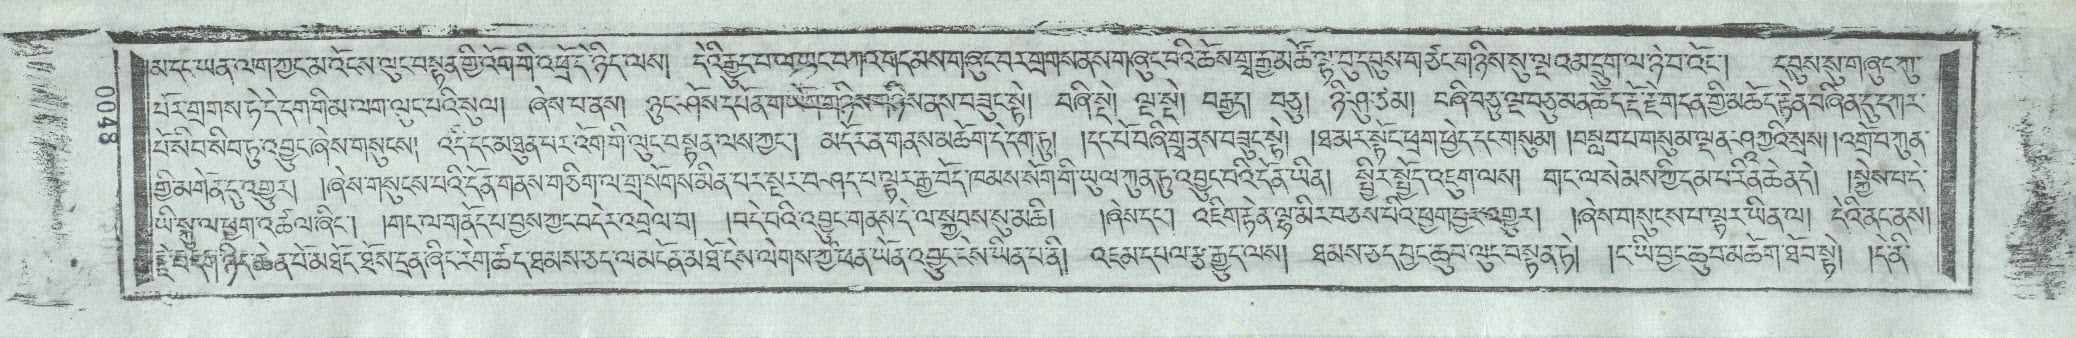མ་དང་ཡན་ལག་ཀྱང་མ་འོངས་ལུང་བསྟན་གྱི་འོག་གི་འཕྲོ་དེ་ཉིད་ལས། དེའི་རྒྱུད་པ་ལ་ཡང་བཀའ་གདམས་གཞུང་བར་གྲགས་ནས་གཞུང་བའི་ཆོས་གྲྭ་རྒྱ་མཚོ་ལྟ་བུ་དབུས་གཙང་གཉིས་སུ་ལྔའམ་དྲུག་ལ་ཉེ་བ་འོང་། དབུས་སུ་གཞུང་
པོར་གྲགས་ཏེ་དེ་དག་གིམ་ལག་ལུང་པའི་སུལ། ཞེས་པ་ནས། ཉུང་ཤོས་དཔོན་གཡོག་གཉིས་གཉིས་ནས་བཟུང་སྟེ། བཞི་སྡེ། ལྔ་སྡེ། བརྒྱད། བཅུ། ཉི་ཤུ་ཙམ། བཞི་བཅུ་ལྔ་བཅུ་མན་ཆོད་རྡོ་རྗེ་གདན་གྱི་མཆོད་རྟེན་བཞིན་དུ་དཀར་
པོ་སིབ་སིབ་ཏུ་འབྱུང་ཞེས་གསུངས། འདི་དང་མཐུན་པར་འོག་གི་ལུང་བསྟན་ལས་ཀྱང་། མདོར་ན་གནས་མཆོག་དེ་དག་ཏུ། །དང་པོ་བཞི་གྲྭ་ནས་བཟུང་སྟེ། །ཐ་མར་སྟོང་ཕྲག་ཕྱེད་དང་གསུམ། །བསླབ་པ་གསུམ་ལྡན་ཤཱཀྱའི་སྲས། །འགྲོ་བ་ཀུན་
གྱི་མགོན་དུ་འགྱུར། །ཞེས་གསུངས་པའི་དོན་གནས་གཅིག་ལ་གྲ་སོགས་མིན་པར་སྔར་བཤད་པ་ལྟར་རྒྱ་བོད་ཁམས་སོག་གི་ཡུལ་ཀུན་ཏུ་འབྱུང་བའི་དོན་ཡིན། སྤྱིར་སྤྱོད་འཇུག་ལས། གང་ལ་སེམས་ཀྱི་དམ་པ་རིན་ཆེན་དེ། །སྐྱེས་པ་དེ་
ཡི་སྐུ་ལ་ཕྱག་འཚལ་ཞིང་། །གང་ལ་གནོང་པ་བྱས་ཀྱང་བདེར་འབྲེལ་བ། །བདེ་བའི་འབྱུང་གནས་དེ་ལ་སྐྱབས་སུ་མཆི། །ཞེས་དང་། འཇིག་རྟེན་ལྷ་མིར་བཅས་པའི་ཕྱག་བྱར་འགྱུར། །ཞེས་གསུངས་པ་ལྟར་ཡིན་ལ། དེའི་ནང་ནས།
རྗེ་བདག་ཉིད་ཆེན་པོ་མཐོང་ཐོས་དྲན་ཞིང་རེག་ཚད་ཐམས་ཅད་ལ་མངོན་མཐོ་ངེས་ལེགས་ཀྱི་ཕན་ཡོན་འབྱུང་ངེས་ཡིན་པ་ནི། འཇམ་དཔལ་རྩ་རྒྱུད་ལས། ཐམས་ཅད་བྱང་ཆུབ་ལུང་བསྟན་ཏེ། །ང་ཡི་བྱང་ཆུབ་མཆོག་ཐོབ་སྟེ། །དེ་ནི་